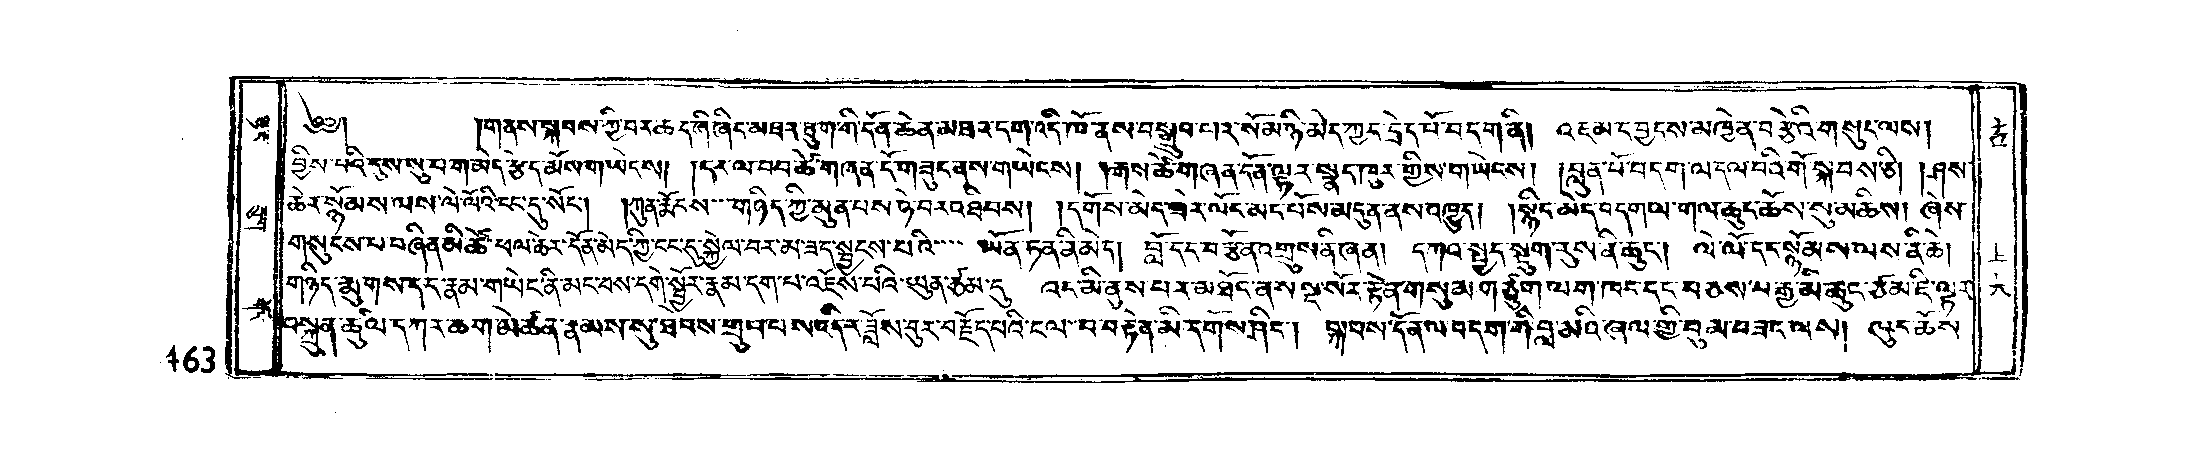༄༅། །གནས་སྐབས་ཀྱི་བར་ཆད་ཞི་ཞིང་མཐར་ཐུག་གི་དོན་ཆེན་མཐའ་དག་འདི་ཁོ་ནས་བསྒྲུབ་པར་སོམ་ཉི་མེད་ཀྱང་དྲེད་པོ་བདག་ནི། འཇམ་དབྱངས་མཁྱེན་བརྩེའི་གསུང་ལས།
བྱིས་པའི་དུས་སུ་བག་མེད་རྩེད་མོས་གཡེངས། །དར་ལ་བབ་ཚེ་གཞན་ངོ་གཟུང་ནས་གཡེངས། །རྒས་ཚེ་གཞན་དོན་ལྟར་སྣང་ཁུར་གྱིས་གཡེངས། །བླུན་པོ་བདག་ལ་དལ་བའི་གོ་སྐབས་ཅི། །ཤས་
ཆེར་སྙོམས་ལས་ལེ་ལོའི་ངང་དུ་སོང་། །ཀུན་རྨོངས་གཉིད་ཀྱི་མུན་པས་ཉེ་བར་འཐིབས། །དགོས་མེད་ཟེར་ལོང་མང་པོས་མདུན་ནས་འཁྱུད། །སྙིང་མེད་བདག་ལ་གལ་ཆུང་ཆོས་སུ་མཆིས། ཞེས་
གསུངས་པ་བཞིན་མི་ཚེ་ཕལ་ཆེར་དོན་མེད་ཀྱི་ངང་དུ་སྐྱེལ་བར་མ་ཟད་སྦྱངས་པའི་ཡོན་ཏན་ནི་མེད། བློ་དང་བརྩོན་འགྲུས་ནི་ཞན། དཀའ་སྤྱད་སྡུག་རུས་ནི་ཆུང་། ལེ་ལོ་དང་སྙོམས་ལས་ནི་ཆེ།
གཉིད་རྨུགས་དང་རྣམ་གཡེང་ནི་མང་བས་དགེ་སྦྱོར་རྣམ་དག་པ་འཇོས་པའི་ཡུན་ཙམ་དུའང་མི་ནུས་པར་མཐོང་ནས་སྔ་སོར་རྟེན་གསུམ་གཙུག་ལག་ཁང་དང་བཅས་པ་རྒྱ་མི་ཆུང་ཙམ་ཇི་ལྟར་
བསྐྲུན་ཚུལ་དཀར་ཆག་མེ་ཚན་རྣམས་སུ་ཐེབས་གྲུབ་པས་འདིར་ཟློས་བུར་བརྗོད་པའི་ངལ་བ་བརྟེན་མི་དགོས་ཤིང་། སྐབས་དོན་ལ་བདག་གི་བླ་མའི་ཞལ་གྱི་བུམ་བཟང་ལས། ལུང་ཆོས་